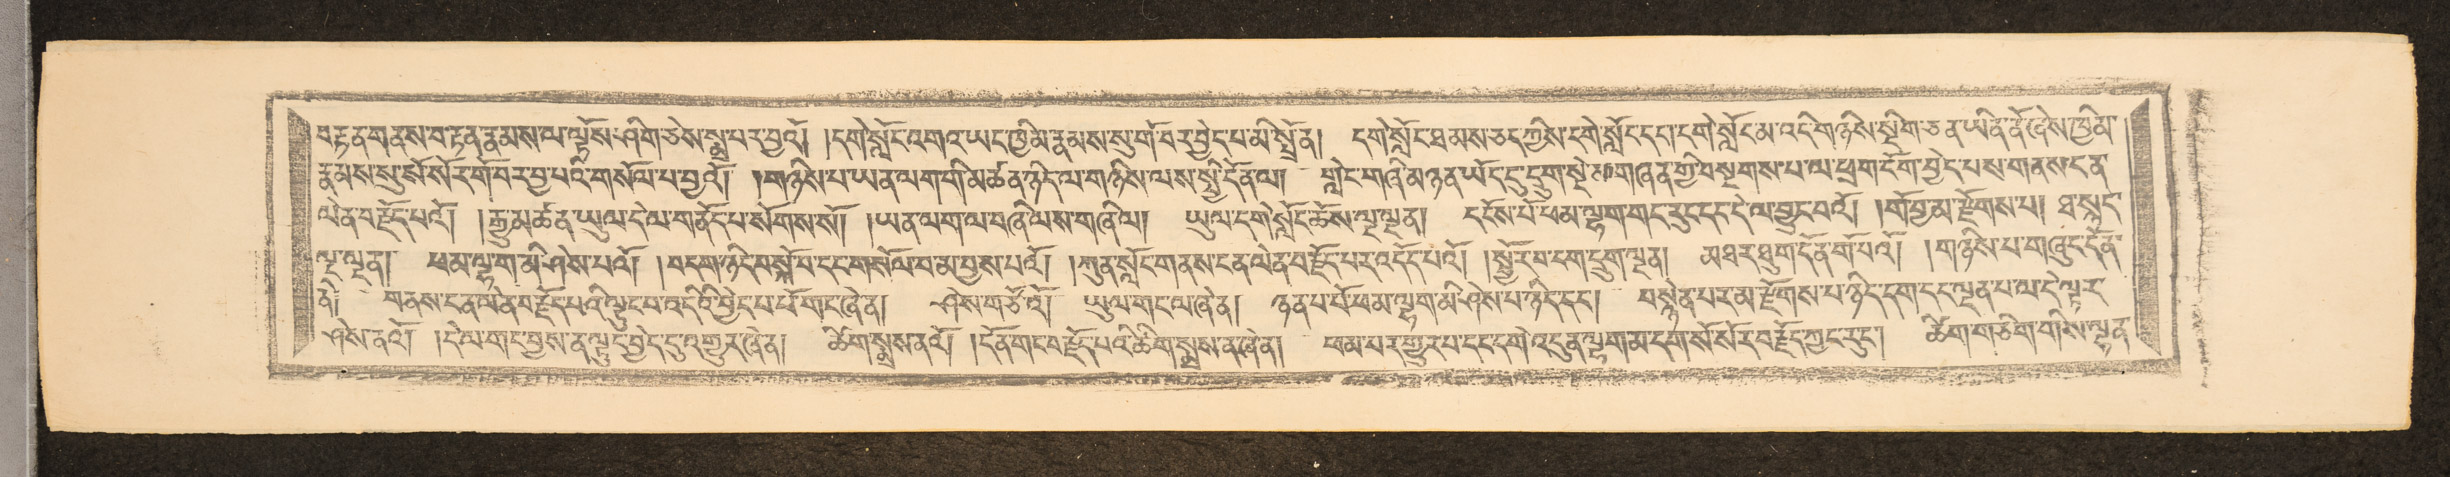བརྟན་གནས་བརྟན་རྣམས་ལ་ལྟོས་ཤིག་ཅེས་སྨྲ་བར་བྱའོ། །དགེ་སློང་འགའ་ཡང་ཁྱིམ་རྣམས་སུ་གོ་བར་བྱེད་པ་མི་སྤྲོ་ན། དགེ་སློང་ཐམས་ཅད་ཀྱིས་དགེ་སློང་དང་། དགེ་སློང་མ་འདི་གཉིས་སྡིག་ཅན་ཡིན་ནོ་ཞེས་ཁྱིམ་
རྣམས་སུ་སོ་སོར་གོ་བར་བྱ་བའི་གསོལ་བ་བྱའོ། །གཉིས་པ་ཡན་ལག་གི་མཚན་ཉིད་ལ་གཉིས་ལས་སྤྱི་དོན་ལ། གླེང་གཞི་མཉན་ཡོད་དུ་དྲུག་སྡེས་གཞན་གྱི་བསྔགས་པ་ལ་ཕྲག་དོག་བྱེད་པས་གནས་ངན་
ལེན་བརྗོད་པའོ། །རྒྱུ་མཚན་ཡུལ་དེ་ལ་གནོད་པ་སོགས་སོ། །ཡན་ལག་ལ་བཞི་ལས་གཞི་ལ། ཡུལ་དགེ་སློང་ཆོས་ལྔ་ལྡན། དངོས་པོ་ཕམ་ལྷག་གང་རུང་དང་དེ་ལ་བྱུང་བའོ། །གོ་བྱ་མ་རྫོགས་བ། ཐ་སྙད་
ལྔ་ལྡན། ཕམ་ལྷག་མི་ཤེས་པའོ། །བདག་ཉིད་བསྐོ་བ་དང་གསོལ་བ་མ་བྱས་པའོ། །ཀུན་སློང་གནས་ངན་ལེན་བརྗོད་པར་འདོད་པའོ། །སྦྱོར་བ་ངག་དྲུག་ལྡན། མཐར་ཐུག་དོན་གོ་བའོ། །གཉིས་པ་གཞུང་དོན་
ནི། གནས་ངན་ལེན་བརྗོད་པའི་ལྟུང་བ་འདིའི་བྱེད་བ་པོ་གང་ཞེ་ན། ཤེས་གཙོ་འོ། ཡུལ་གང་ལ་ཞེ་ན། ཉན་པ་པོ་ཕམ་ལྷག་མི་ཤེས་པ་ཉིད་དང་། བསྙེན་པར་མ་རྫོགས་པ་ཉིད་དག་དང་ལྡན་པ་ལ་དེ་ལྟར་
ཤེས་ནའོ། །དེ་ལ་གང་བྱས་ན་ལྟུང་བྱེད་དུ་འགྱུར་ཞེ་ན། ཚིག་སྨྲས་ནའོ། །དོན་གང་བརྗོད་པའི་ཚིག་སྨྲས་ན་ཞེ་ན། ཕམ་བར་གྱུར་པ་དང་དགེ་འདུན་ལྷག་མ་དག་སོ་སོར་བརྗོད་ཀྱང་རུང་། ཚིག་གཅིག་གིས་ལྷན་